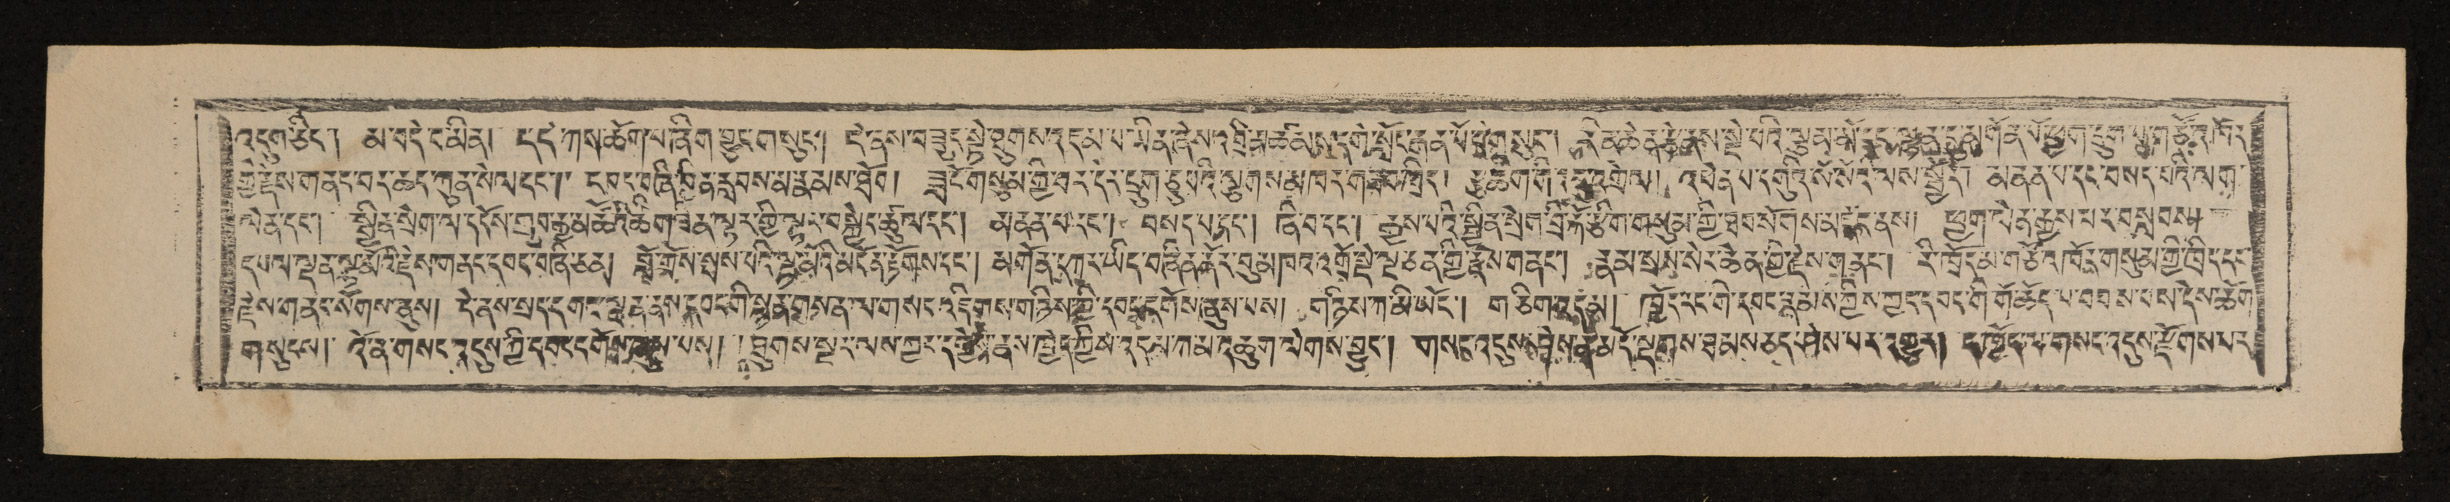འདུག་ཅིང་། མ་བདེ་བ་མིན། ད་དེ་ཀས་ཆོག་པ་ཞིག་བྱུང་གསུང་། དེ་ནས་བཟུང་སྟེ་ཐུགས་འཇམ་པ་ཡིན་ཞེས་འབྲི་མཚམས་དགེ་སློང་རྒན་པོ་དེ་གསུང་། རིན་ཆེན་རྩེ་ནས་སྡེ་པའི་ལྕམ་མོ་དང་ལྷན་དུ་མགོན་པོ་ཕྱག་དྲུག་པ་གཙོ་འཁོར་
གྱི་རྗེས་གནང་བར་ཆད་ཀུན་སེལ་དང་། དབང་བཞི་བྱིན་རླབས་མ་རྣམས་ཐོབ། ཟླ་ངོ་གསུམ་གྱི་བར་དེར་དྲུག་ཅུ་པའི་ལྕགས་མཁར་གཟབ་ཁྲིད། རྩ་ཚིག་གི་འབྲུ་འགྲེལ། འཕེན་པ་དགུའི་སོ་སོའི་ལས་སྦྱོར། མནན་པ་དང་བསད་པའི་ལག་
ལེན་དང་། སྦྱིན་སྲེག་ལ་དངོས་གྲུབ་རྒྱ་མཚོའི་ཚིག་ཟིན་ལྟར་གྱི་ལྷར་བསྐྱེད་ཚུལ་དང་། མནན་པ་དང་། བསད་པ་དང་། ཞི་བ་དང་། རྒྱས་པའི་སྦྱིན་སྲེག་བྲི་རྐོ་རྩིག་གསུམ་གྱི་ཐབ་སོགས་མཛད་ནས། ཕྱག་ལེན་རྒྱས་པར་བསླབས།
དཔལ་ལྡན་ལྷ་མོའི་རྗེས་གནང་དབང་བཞི་ཅན། བློ་གྲོས་སྦས་པའི་ལྷ་མོའི་མངོན་རྟོགས་དང་། མགོན་དཀར་ཡིད་བཞིན་ནོར་བུ་མཁའ་འགྲོ་སྡེ་ལྔ་ཅན་གྱི་རྗེས་གནང་། རྣམ་སྲས་སེར་ཆེན་གྱི་རྗེས་གནང་། རི་ཁྲོད་མ་གཙོ་འཁོར་གསུམ་གྱི་ཁྲིད་དང་རྗེས་གནང་སོགས་ཞུས། དེ་ནས་སྲད་དགའ་ལྡན་ནས་དབང་གི་སྙན་གསན་ལ་གསང་འཇིགས་གཉིས་ཀྱི་དབང་དགོས་ཞུས་པས། གཉིས་ཀ་མི་ཡོང་། གཅིག་འདམ། ཁྱོད་རང་གི་དབང་རྣམས་ཀྱིས་ཀྱང་དབང་གི་གོ་ཆོད་པ་བབས་པས་དེས་ཆོག་
གསུངས། འོ་ན་གསང་འདུས་ཀྱི་དབང་དགོས་ཞུས་པས། ཐུགས་སྔར་ལས་ཀྱང་དགྱེས་ནས་ཁྱེད་ཀྱིས་འདམ་ཀ་མ་འཆུག་ལེགས་བྱུང་། གསང་འདུས་ཤེས་ན་མདོ་སྔགས་ཐམས་ཅད་ཤེས་པར་འགྱུར། ད་ཁྱོད་ལ་གསང་འདུས་རྫོགས་པར་